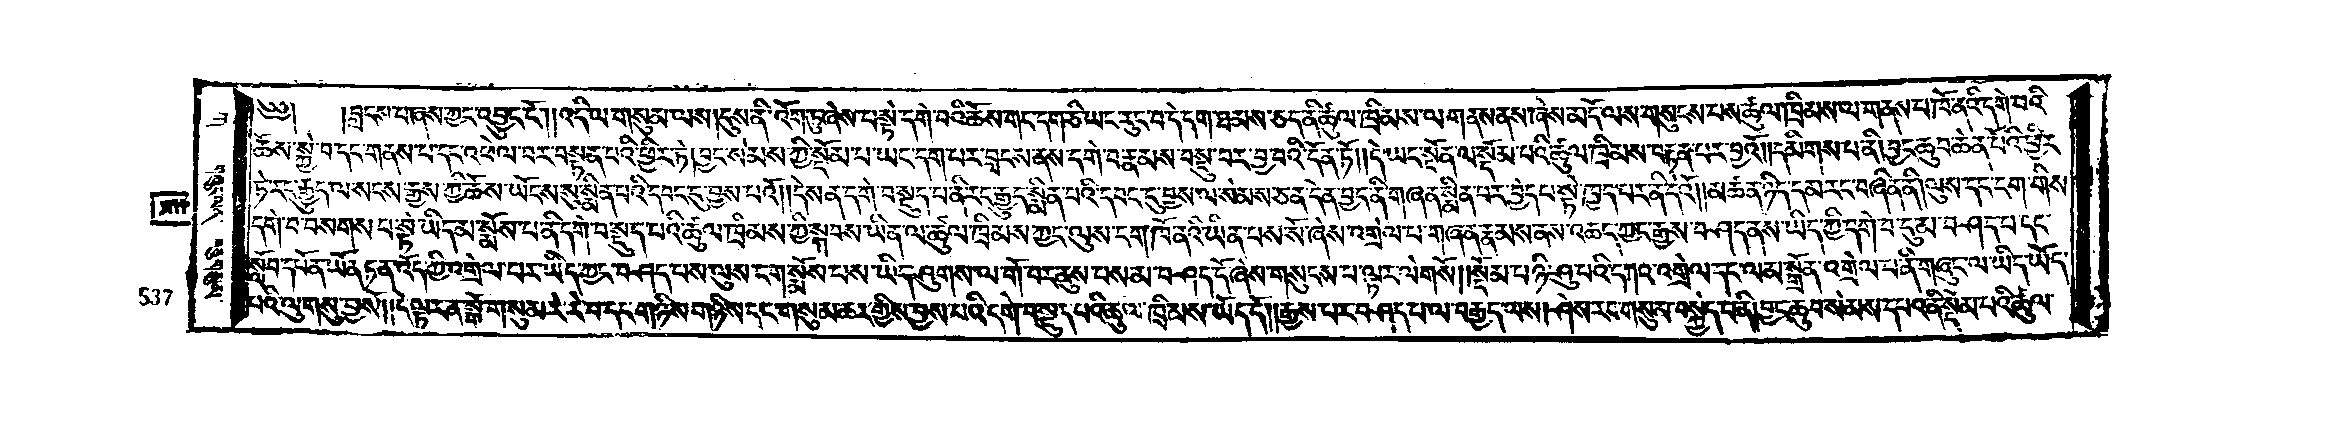༄༅། །བླངས་པ་ཞེས་ཀྱང་འབྱུང་ངོ། །འདི་ལ་གསུམ་ལས། དུས་ནི་འོག་ཏུ་ཞེས་པ་སྟེ་དགེ་བའི་ཆོས་གང་དག་ཅི་ཡང་རུང་བ་དེ་དག་ཐམས་ཅད་ནི་ཚུལ་ཁྲིམས་ལ་གནས་ནས་ཞེས་མདོ་ལས་གསུངས་པས་ཚུལ་ཁྲིམས་ལ་གནས་པ་ཁོ་ནའི་དགེ་བའི་
ཆོས་སྐྱེ་བ་དང་གནས་པ་དང་འཕེལ་བར་བསྟན་པའི་ཕྱིར་ཏེ། བྱང་སེམས་ཀྱི་སྡོམ་པ་ཡང་དག་པར་བླངས་ནས་དགེ་བ་རྣམས་བསྡུ་བར་བྱ་བའི་དོན་ཏོ། །དེ་ཡང་སྔོན་ལ་སྡོམ་པའི་ཚུལ་ཁྲིམས་བརྟན་པར་བྱའོ། །དམིགས་པ་ནི། བྱང་ཆུབ་ཆེན་པོའི་ཕྱིར་
ཏེ་རང་རྒྱུད་ལ་སངས་རྒྱས་ཀྱི་ཆོས་ཡོངས་སུ་སྨིན་པའི་དབང་དུ་བྱས་པའོ། །དེས་ན་དགེ་བ་སྡུད་པ་ནི་རང་རྒྱུད་སྨིན་པའི་དབང་དུ་བྱས་ལ་སེམས་ཅན་དེན་བྱད་ནི་གཞན་སྨིན་པར་བྱེད་པ་སྟེ་ཁྱད་པར་ནི་དེའོ། །མཚན་ཉིད་དམ་རང་བཞིན་ནི། ལུས་དང་ངག་གིས་
དགེ་བ་བསགས་པ་སྟེ་ཡིད་མ་སྨོས་པ་ནི་དགེ་བ་སྡུད་པའི་ཚུལ་ཁྲིམས་ཀྱི་སྐབས་ཡིན་ལ་ཚུལ་ཁྲིམས་ཀྱང་ལུས་ངག་ཁོ་ནའི་ཡིན་པས་སོ་ཞེས་འགྲེལ་པ་གཞན་རྣམས་ནས་འཆད་ཀྱང་རྒྱས་བཤད་ནས་ཡིད་ཀྱི་དགེ་བ་དུ་མ་བཤད་པ་དང་
སློབ་དཔོན་ཡོན་ཏན་འོད་ཀྱི་འགྲེལ་པར་ཡིད་ཀྱང་བཤད་པས་ལུས་ངག་སྨོས་པས་ཡིད་ཤུགས་ལ་གོ་བར་ནུས་པས་མ་བཤད་དོ་ཞེས་གསུངས་པ་ལྟར་ལེགས་སོ། །སྡོམ་པ་ཉི་ཤུ་པའི་དཀའ་འགྲེལ་དང་ལམ་སྒྲོན་འགྲེལ་པ་ནི་གཞུང་ལ་ཡིད་ཡོད་
པའི་ལུགས་སུ་བྱས་སོ། །དེ་ལྟར་ན་སྒོ་གསུམ་རེ་རེ་བ་དང་གཉིས་གཉིས་དང་གསུམ་ཆར་གྱིས་བྱས་པའི་དགེ་བ་སྡུད་པའི་ཚུལ་ཁྲིམས་ཡོད་དོ། །རྒྱས་པར་བཤད་པ་ལ་བརྒྱད་ལས། ཤེས་རབ་གསུམ་བསྐྱེད་པ་ནི། བྱང་ཆུབ་སེམས་དཔའ་ནི་སྡོམ་པའི་ཚུལ་